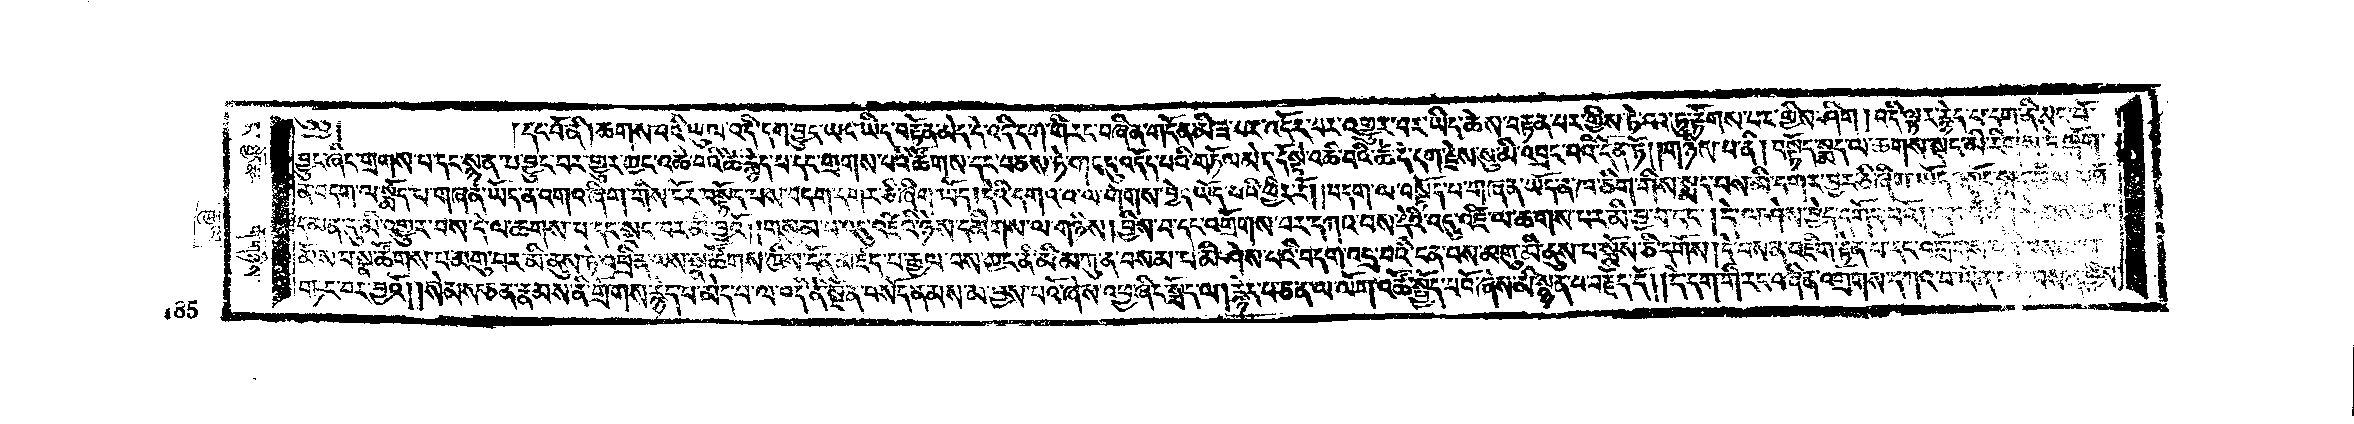༄༅། །དང་པོ་ནི། ཆགས་པའི་ཡུལ་འདི་དག་བྱུང་ཡང་ཡིད་བརྟོན་མེད་དེ་འདི་དག་གི་རང་བཞིན་གདོན་མི་ཟ་བར་འདོད་པར་འགྱུར་བར་ཡིད་ཆོས་བརྟན་པར་གྱིས་ཏེ་བར་ཏུ་རྟོགས་པར་གྱིས་ཤིག །འདི་ལྟར་རྙེད་པ་དག་ནི་མང་པོ་
བྱུང་ཞིང་གྲགས་པ་དང་སྙན་པ་བྱུང་བར་གྱུར་ཀྱང་འཆི་བའི་ཚེ་རྙེད་པ་དང་གྲགས་པའི་ཚོགས་དང་བཅས་ཏེ་གང་དུ་འདོད་པའི་གཏོལ་མེད་དོ་སྟེ་འཆི་བའི་ཚེ་དེ་དག་རྗེས་སུ་མི་འབྲང་བའི་དོན་ཏོ། །གཉིས་པ་ནི། བསྟོད་སྨད་ལ་ཆགས་སྡང་མི་རིགས་ཏེ་ལྡོག་
ན་བདག་ལ་སྨོད་པ་གཞན་ཡོད་ན་འགའ་ཞིག་གིས་ངོར་བསྟོད་པས་བདག་དགར་ཅི་ཞིག་ཡོད། དེའི་དགའ་བ་ལ་གེགས་བྱེད་ཡོད་པའི་ཕྱིར་རོ། །བདག་ལ་བསྟོད་པ་གཞན་ཡོད་ན་ཁ་ཅིག་གིས་སྨད་པས་མི་དགར་བྱར་ཅི་ཞིག་ཡོད་བསྟོད་སྨད་ཀྱིས་མཐོ་
དམན་དུ་མི་འགྱུར་བས་དེ་ལ་ཆགས་པ་དང་སྡང་བར་མི་བྱའོ། །གསུམ་པ་འདུ་འཛིའི་ཉེས་དམིགས་ལ་གཉིས། བྱིས་པ་དང་འགྲོགས་པར་དཀའ་བས་དེའི་འདུ་འཛི་ལ་ཆགས་པར་མི་བྱ་བ་དང་། དེ་ལ་ཤེས་བྱེད་དགོད་པའོ། །དང་པོ་ནི། སེམས་ཅན་
མོས་པ་སྣ་ཚོས་པ་མགུ་བར་མི་ནུས་ཏེ་འཕྲིན་ལས་སྣ་ཚོགས་ཀྱིས་དོན་མཛད་པ་རྒྱལ་བས་ཀྱང་ནི་མི་མ་ཀུ་ན་བསམ་པ་མི་ཤེས་པའི་བདག་འདྲ་བའི་མགུ་མི་ནུས་པ་སྨོས་ཅི་དགོས། དེ་བས་ན་རྟེན་པ་དང་འགྲོགས་པའི་བསམ་པ་
བཏང་བར་བྱའོ། །སེམས་ཅན་རྣམས་ནི་གྲོགས་རྙེད་པ་མེད་པ་ལ་འདི་ནི་སྔོན་བསོད་ནམས་མ་བྱས་པའོ་ཞེས་འཕྱ་ཞིང་སྨོད་ལ། རྙེད་པ་ཅན་ལ་ལོག་འཚོ་སྤྱོད་པའོ་ཞེས་མི་སྙན་པ་བརྗོད་དོ། །དེ་དག་གི་རང་བཞིན་འགྲོགས་དཀའ་བ་ཡིན་པ་དེ་བས་ན་བྱིས་